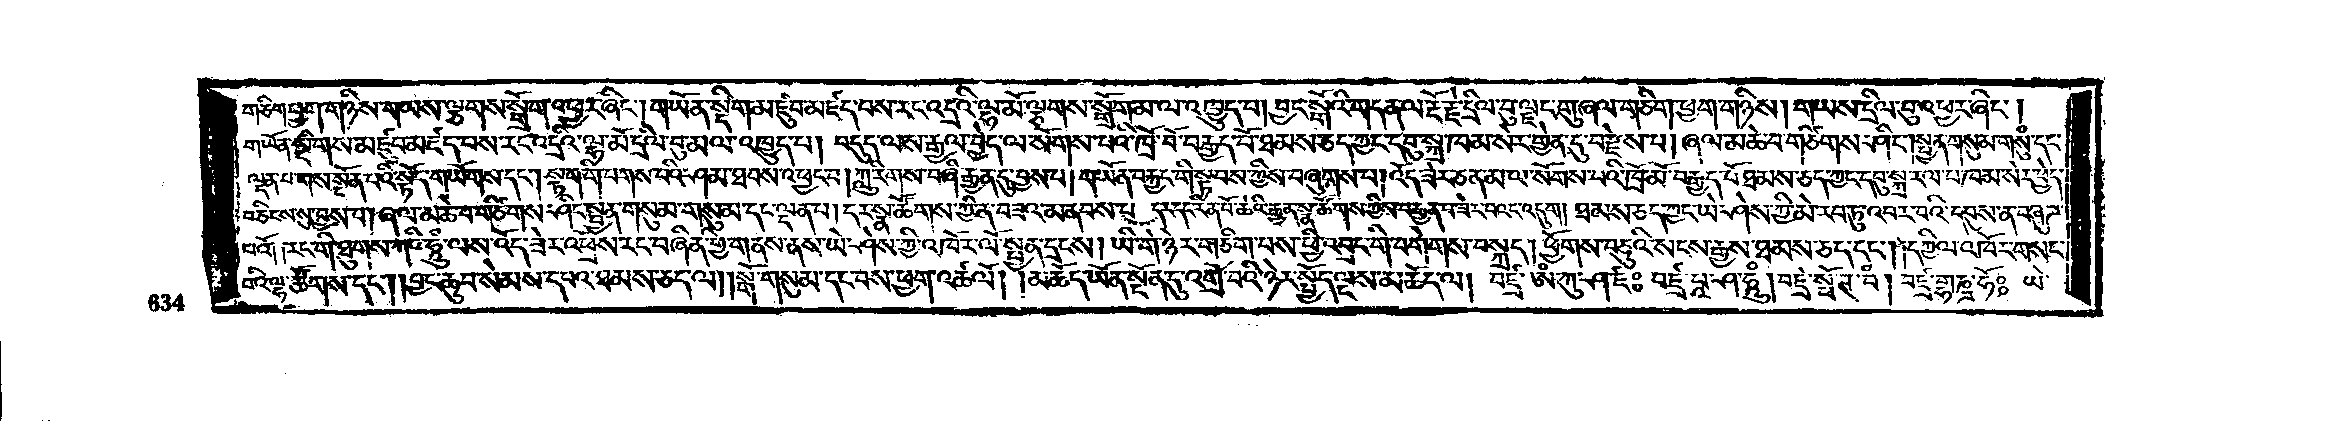གཅིག་ཕྱག་གཉིས་གཡས་ལྕགས་སྒྲོག་འཕྱར་ཞིང་། གཡོན་སྡིག་མཛུབ་མཛད་པས་རང་འདྲའི་ལྷ་མོ་ལྕགས་སྒྲོག་མ་ལ་འཁྱུད་པ། བྱང་སྒོའི་གདན་ལ་རྡོ་རྗེ་དྲིལ་བུ་ལྗང་གུ་ཞལ་གཅིག་ཕྱག་གཉིས། གཡས་དྲིལ་བུ་འཕྱར་ཞིང་།
གཡོན་སྡིགས་མཛུབ་མཛད་པས་རང་འདྲིའི་ལྷ་མོ་དྲིལ་བུ་མལ་འཁྱུད་པ། བདུད་ལས་རྒྱལ་བྱེད་ལ་སོགས་པའི་ཁྲོ་བོ་བརྒྱད་པོ་ཐམས་ཅད་ཀྱང་དབུ་སྐྲ་ཁམ་སེར་གྱེན་དུ་བརྫེས་པ། ཞལ་མཆེ་བ་གཙིགས་ཤིང་། སྤྱན་གསུམ་གསུམ་དང་
ལྡན་པ་གས་སྔོན་པའི་སྟོད་གཡོགས་དང་། སྟག་གི་པགས་པའི་ཤམ་ཐབས་འཕྱང་བ། ཀླུ་རིགས་བཞི་རྒྱན་དུ་བྱས་པ། གཡོན་བརྐྱང་གི་སྟབས་ཀྱིས་བཞུགས་པ། འོད་ཟེར་ཅན་མ་ལ་སོགས་པའི་ཁྲོ་མོ་བརྒྱད་པོ་ཐམས་ཅད་ཀྱང་དབུ་སྐྲ་རལ་པ་ཁམ་ཟེར་ཕྱེད་
བཅིངས་སུ་བྱས་པ། ཞལ་མཆེ་བ་གཙིགས་ཤིང་སྤྱན་གསུམ་གསུམ་དང་ལྡན་པ། དར་སྣ་ཚོགས་ཀྱི་ན་བཟའ་མནབས་པ་དར་དང་རིན་པོ་ཆེའི་རྒྱན་སྣ་ཚོགས་ཀྱིས་བརྒྱན་པ་ཟེར་བའང་འདུག་།ཐམས་ཅད་ཀྱང་ཡེ་ཤེས་ཀྱི་མེ་རབ་ཏུ་འབར་བའི་དབུས་ན་བཞུགས་
པའོ། །རང་གི་ཐུགས་ཀའི་ཧཱུཾ་ལས་འོད་ཟེར་འཕྲོས་རང་བཞིན་གྱི་གནས་ནས་ཡེ་ཤེས་ཀྱི་འཁོར་ལོ་སྤྱན་དྲངས། ཡི་གེ་ཉེར་གཅིག་པས་ཕྱི་འབྲང་གི་བགེགས་བསྐྲད། ཕྱོགས་བཅུའི་སངས་རྒྱས་ཐམས་ཅད་དང་། །དཀྱིལ་འཁོར་གསང་
བའི་ལྷ་ཚོགས་དང་། །བྱང་ཆུབ་སེམས་དཔའ་ཐམས་ཅད་ལ། །སྒོ་གསུམ་དང་བས་ཕྱག་འཚལ་ལོ། །མཆོད་ཡོན་སྔོན་དུ་འགྲོ་བའི་ཉེར་སྤྱོད་ལྔས་མཆོད་ལ། བཛྲ་ཨཾ་ཀུ་ཤ་ཛཿ བཛྲ་པཱ་ཤ་ཧཱུཾ། བཛྲ་སྤོ་ཊ་བཾ། བཛྲ་གྷཎྜ་ཧོཿ ཡེ་